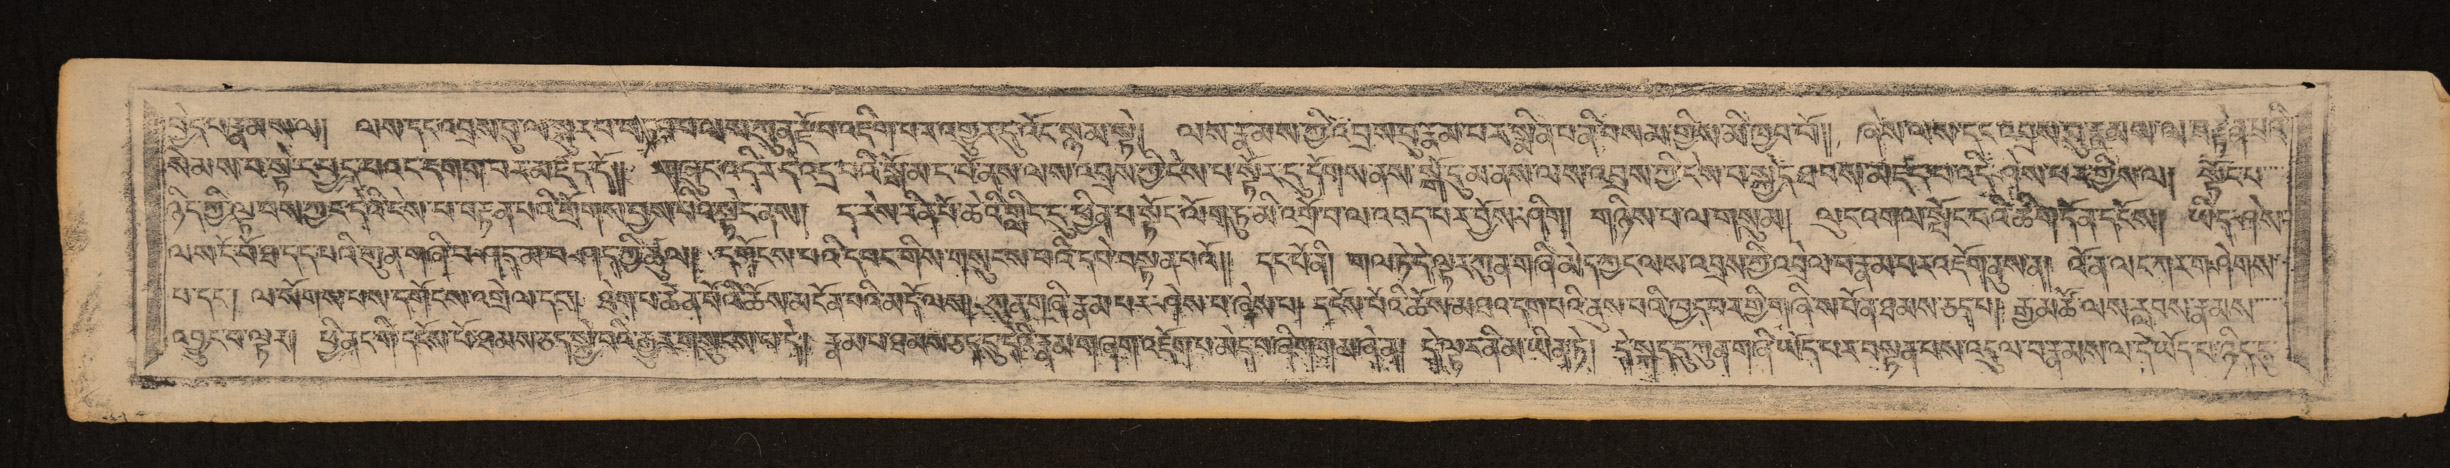བྱེད་པ་རྣམས་ལ། ལས་དང་འབྲས་བུ་ལ་སྐུར་པ་བཏབ་པ་ལས་ཀུན་རྫོབ་འཇིག་པར་འགྱུར་དུ་འོང་སྙམ་སྟེ། ལས་རྣམས་ཀྱི་འབྲས་བུ་རྣམ་པར་སྨིན་པ་ནི་བསམ་གྱིས་མི་ཁྱབ་བོ།། ཞེས་ལས་དང་འབྲས་བུ་རྣམས་ལ་བརྟེན་པའི་
སེམས་པ་སྟེ་དཔྱད་པའང་དགག་པར་མཛད་དོ།། གཞུང་འདིར་དེ་འདྲ་བའི་སྒོ་མང་པོ་ནས་ལས་འབྲས་ཀྱི་ངེས་པ་སྟོར་དུ་དོགས་ནས་སྒོ་དུ་མ་ནས་ལས་འབྲས་ཀྱི་ངེས་པ་སྐྱེད་ཐབས་མཛད་པ་འདི་ཤེས་པར་གྱིས་ལ། སྟོང་པ་
ཉིད་ཀྱི་ལྟ་བས་ཀྱང་དེའི་ངེས་པ་བརྟན་པའི་གྲོགས་བྱས་པའི་སྟེང་ནས། ད་རེས་རིན་པོ་ཆེའི་གླིང་དུ་ཕྱིན་པ་སྟོང་ལོག་ཏུ་མི་འགྲོ་བ་ལ་འབད་པར་བྱོས་ཤིག། གཉིས་པ་ལ་གསུམ། ལུང་འགལ་སྤོང་བའི་ཚིག་དོན་དངོས། ཡིད་ཤེས་
ལས་ངོ་བོ་ཐ་དད་པའི་ཀུན་གཞི་བཤད་མ་བཤད་ཀྱི་ཚུལ། དགོངས་པའི་དབང་གིས་གསུངས་པའི་དཔེ་བསྟན་པའོ།། དང་པོ་ནི། གལ་ཏེ་དེ་ལྟར་ཀུན་གཞི་མེད་ཀྱང་ལས་འབྲས་ཀྱི་འབྲེལ་བ་རྣམ་པར་འཇོག་ནུས་ན། འོ་ན་ལང་ཀར་གཤེགས་
པ་དང་། ལ་སོགས་པས་དགོངས་འགྲེལ་དང་། ཐེག་པ་ཆེན་པོའི་ཆོས་མངོན་པའི་མདོ་ལས། ཀུན་གཞི་རྣམ་པར་ཤེས་པ་ཞེས་པ། དངོས་པོའི་ཆོས་མཐའ་དག་པའི་ནུས་པའི་ཁྱད་པར་གྱི་གཞི་ས་བོན་ཐམས་ཅད་པ། རྒྱ་མཚོ་ལས་རླབས་རྣམས་
འབྱུང་བ་ལྟར། ཕྱི་ནང་གི་དངོས་པོ་ཐམས་ཅད་སྐྱེ་བའི་རྒྱུར་གསུངས་པ་དེ། རྣམ་པ་ཐམས་ཅད་དུ་དེའི་རྣམ་གཞག་འཇོག་པ་མེད་ཞིག་གམ་ཞེ་ན། དེ་ལྟར་ནི་མ་ཡིན་ཏེ། དེ་སྐད་དུ་ཀུན་གཞི་ཡོད་པར་བསྟན་པས་འདུལ་བ་རྣམས་ལ་དེ་ཡོད་པ་ཉིད་དུ་